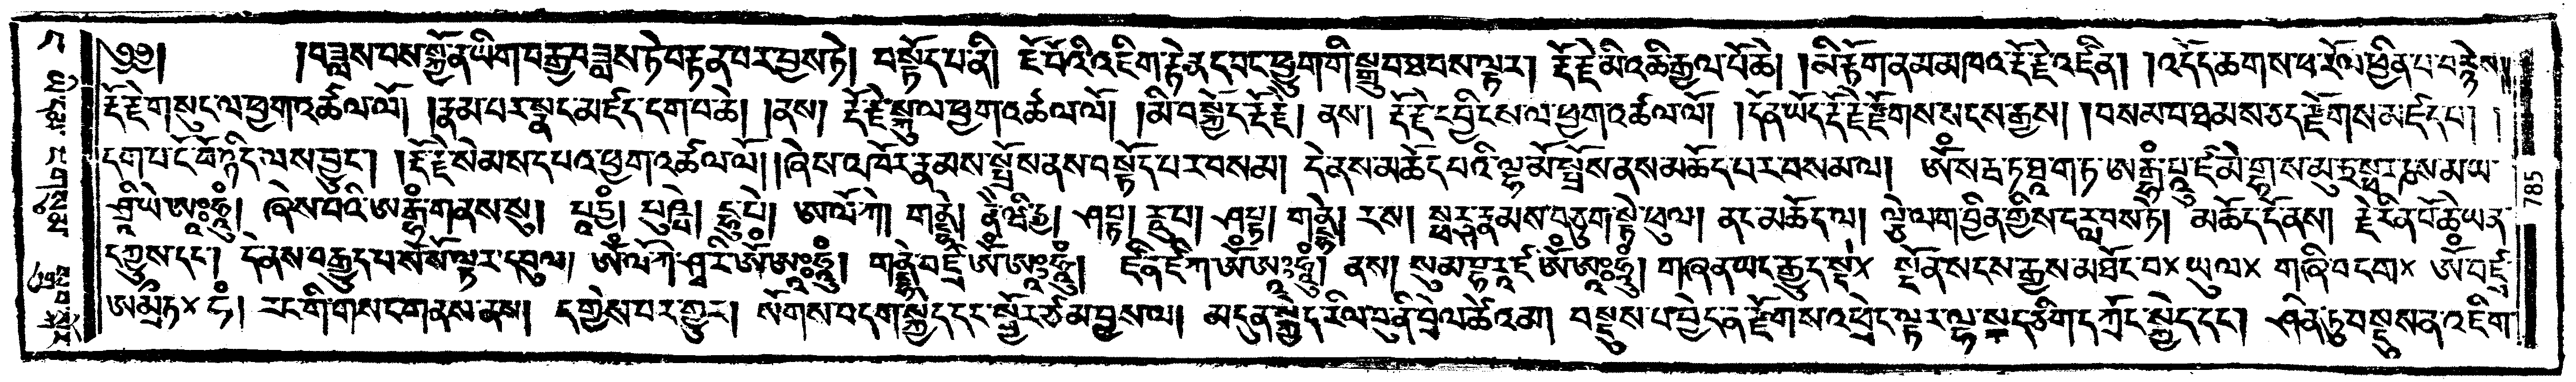༄༅། །བཟླས་བས་སྐྱོན་ཡིག་བརྒྱ་བཟླས་ཏེ་བརྟན་པར་བྱས་ཏེ། བསྟོད་པ་ནི། ཇོ་བོའི་འཇིག་རྟེན་དབང་ཕྱུག་གི་སྒྲུབ་ཐབས་ལྟར། རྡོ་རྗེ་མི་འཆི་རྒྱལ་པོ་ཆེ། །མི་རྟོག་ནམ་མཁའ་རྡོ་རྗེ་འཛིན། །འདོད་ཆགས་ཕ་རོལ་ཕྱིན་པ་བརྙེས།།
རྡོ་རྗེ་གསུང་ལ་ཕྱག་འཚལ་ལོ། །རྣམ་པར་སྣང་མཛད་དག་པ་ཆེ། །ནས། རྡོ་རྗེ་སྐུ་ལ་ཕྱག་འཚལ་ལོ། །མི་བསྐྱོད་རྡོ་རྗེ། ནས། རྡོ་རྗེ་དབྱིངས་ལ་ཕྱག་འཚལ་ལོ། །དོན་ཡོད་རྡོ་རྗེ་རྫོགས་སངས་རྒྱས། ???་ཐམས་ཅད་རྫོགས་མཛད་པ། །
དག་པ་ངོ་བོ་ཉིད་ལས་བྱུང་། །རྡོ་རྗེ་སེམས་དཔའ་ཕྱག་འཚལ་ལོ། །ཞེས་འཁོར་རྣམས་སྤྲོས་ནས་བསྟོད་པར་བསམ། དེ་ནས་མཆོད་པའི་ལྷ་མོ་སྦྲོས་ནས་མཆོད་པར་བསམ། ཨོཾ་སརྦ་ཏ་ཐཱ་ག་ཏ་ཨ???་མུ་ཏྲ་བསམ་པ་
ཤྲཱི་ཡེ་ཨཱཿ ཧཱུཾ། ཞེས་པའི་ཨརྒྷཾ་གནས་སུ། པཱཏྱཾ། པུཥྤེ། དྷུ་པེ། ཨ་ལོ་ཀེ། གནྡྷེ། ནཻ་ཝི་ཏྱ། ཤཔྟ། རཱུ་པ། ཤཔྟ། གནྡྷེ། རས། སྥརྴ་རྣམས་བཅུག་སྟེ་ཕུལ། ནར་མཆོད་ལ། ལྕེ་ལག་བྱིན་གྱིས་བརླབས་ཏེ། མཆོད་དོ་ནས། རྗེ་རིན་པོ་ཆེ་ཡན་
དཀྱུས་དང་། དེ་ནས་བརྒྱུད་པ་སོ་སོ་ལྟར་དབུལ། ཨོཾ་ལོ་ཀེ་ཤྭ་རི་ཨོཾ་ཨཱཿ ཧཱུཾ། གནྡེ་བཛྲ་ཨོཾ་ཨཱཿ ཧཱུཾ། ཛིན་ཛི་ཀ་ཨོཾ་ཨཱཿཧཱུཾ། ནས། སུམ་བྷ་རཱ་ཛ་ཨོཾ་ཨཱཿཧཱུཾ། གཞན་ཡང་རྒྱུད་སྡེ། སྔོན་སངས་རྒྱས་མཐོང་བ་ཡུལ་གཞི་བདག་ཨོཾ་བཛྲ་
ཨམྲྀཏ་ཧཾ། རང་གི་གསང་གནས་ནས། དགྱེས་བར་གྱུར། སོགས་བདག་སྐྱེད་དང་སྦྱོར་ཙམ་བྱས་ལ། མདུན་སྐྱེད་རིལ་བུ་ནི་བྲེལ་ཚེའམ། བསྡུས་པ་བྱེད་ན་རྫོགས་འཕྲེང་ལྟར་ལྷ་སྐད་ཅིག་དཀྲོང་སྐྱེད་དང་། ཤིན་ཏུ་བསྡུས་ན་འཇིག་